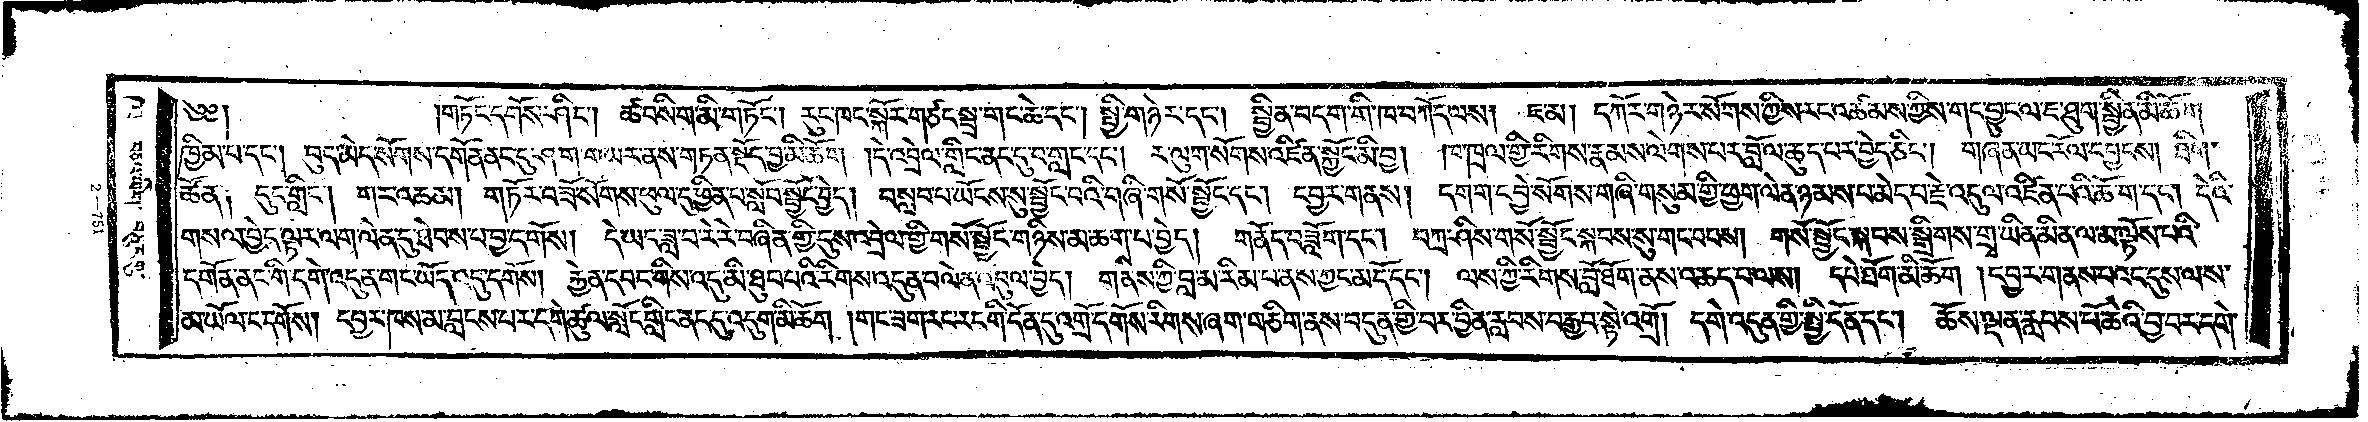༄༅། །གཏོང་དགོས་ཤིང་། ཚ་བསིག་མི་གཏོང་། རུང་ཁང་སྐོར་གཙང་སྦྲ་གང་ཆེ་དང་། སྤྱི་གཉེར་དང་། སྦྱིན་བདག་གི་ཁ་བཀོད་ལས། ཇ་མ། དཀོར་གཉེར་སོགས་ཀྱིས་རང་ཚམས་ཀྱིས་གང་བྱུང་ལ་ཇ་ཐུག་སྦྱིན་མི་ཆོག་
ཁྱིམ་པ་དང་། བུད་མེད་སོགས་དགོན་ནང་དུ་ཤག་གཡར་ནས་གཏན་སྡོད་བྱ་མི་ཆོག །དེ་འབྲེལ་གླིང་ནང་དུ་བ་གླང་དང་། ར་ལུག་སོགས་འཛིན་སྐྱོང་མི་བྱ། ཁ་ཁྲལ་གྱི་རིགས་རྣམས་ལེགས་པར་བློ་ལ་ཆུད་པར་བྱེད་ཅིང་། གཞན་ཡང་རོལ་དབྱངས། ཐིག་
ཚོན༑ དུང་གླིང་། གར་འཆམ། གཏོར་བཟོ་སོགས་ཡུལ་དུ་ཕྱིན་པ་སློབ་སྦྱོང་བྱེད། བསླབ་པ་ཡོངས་སུ་སྦྱོང་བའི་གཞི་གསོ་སྦྱོང་དང་། དབྱར་གནས། དགག་དབྱེ་སོགས་གཞི་གསུམ་གྱི་ཕྱག་ལེན་ཉམས་པ་མེད་པ་རྗེ་འདུལ་འཛིན་པའི་ཆོ་ག་དང་། དེའི་
གསལ་བྱེད་ལྟར་ལག་ལེན་དུ་ཐེབས་པ་བྱ་དགོས། དེ་ཡང་ཟླ་བ་རེ་རེ་བཞིན་གྱི་དུས་འབྲེལ་གྱི་གསོ་སྦྱོང་གཉིས་མ་ཆགས་པ་བྱེད། གནོད་བཟློག་དང་། བཀྲ་ཤིས་གསོ་སྦྱོང་སྐབས་སུ་གང་བབས། གསོ་སྦྱོང་སྐབས་སྒྲིགས་གྲྭ་ཡིན་མིན་ལ་མ་ལྟོས་པའི་
དགོན་ནང་གི་དགེ་འདུན་གང་ཡོད་འདུ་དགོས། རྐྱེན་དབང་གིས་འདུ་མི་ཐུབ་པའི་རིགས་འདུན་བ་ལེན་འབུལ་བྱེད། གནས་ཀྱི་བླ་མ་རིམ་པ་ནས་ཀྱང་མདོ་དང་། ལས་ཀྱི་རིགས་བློ་ཐོག་ནས་འཆད་པ་ལས། དཔེ་ཐོག་མི་ཆོག །དབྱར་གནས་བའང་དུས་ལས་
མ་ཡོལ་དགོས། དབྱར་ཁས་མ་བླངས་པར་དགེ་ཚུལ་སློང་གླིང་ནང་དུ་འདུག་མི་ཆོག །གང་ཟག་རང་རང་གི་དོན་དུ་འགྲོ་དགོས་རིགས་ཞག་གཅིག་ནས་བདུན་གྱི་བར་བྱིན་རླབས་བརྒྱབ་སྟེ་འགྲོ། དགེ་འདུན་གྱི་སྤྱི་དོན་དང་། ཆོས་ལྡན་རླབས་པོ་ཆེའི་བྱ་བར་དགེ་